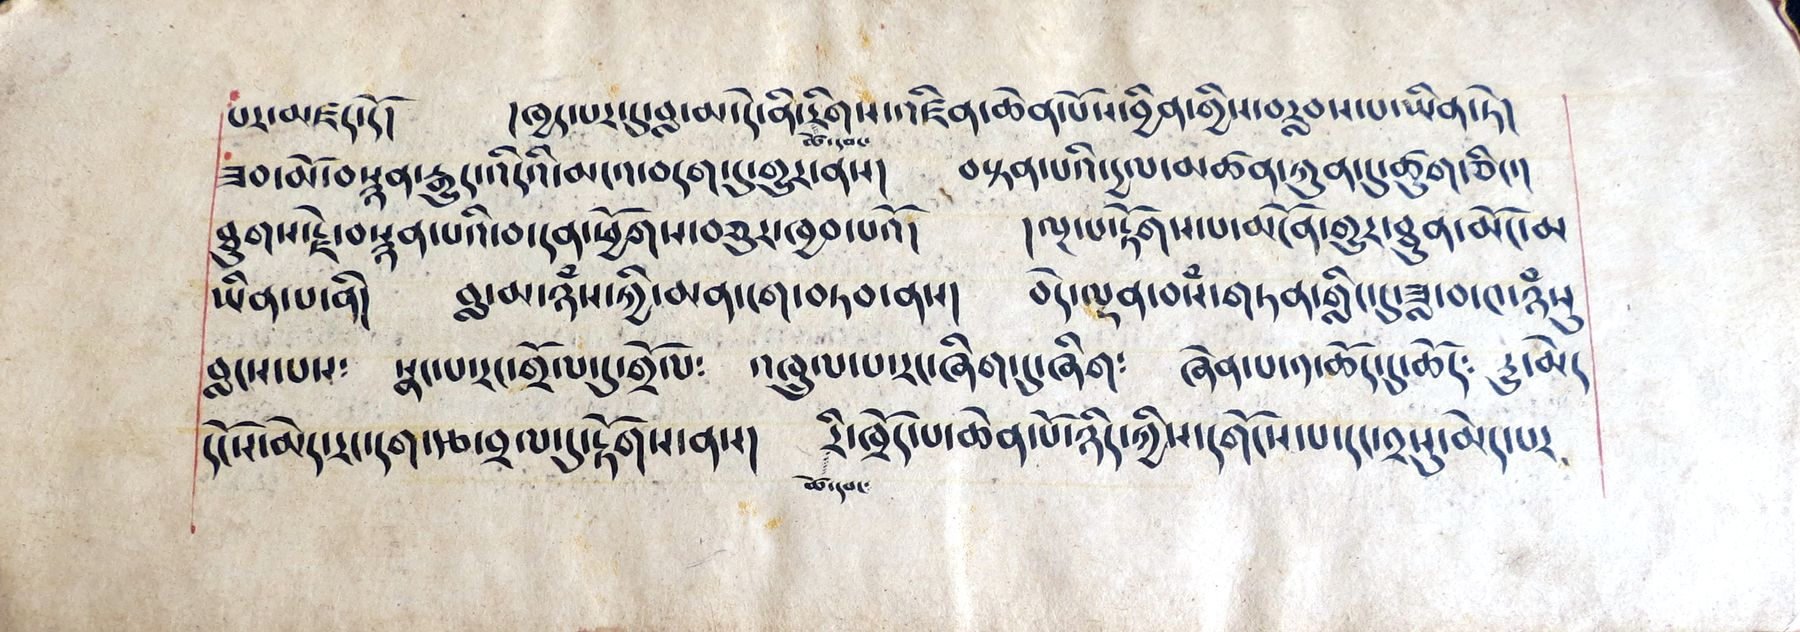པར་མཛད་དོ། །ཁྱད་པར་དུ་བླ་མ་ཆེན་པོ་དེ་ནི། ཚེ་དབང་རིག་འཛིན་ཆེན་པོས་བྱིན་གྱིས་བརླབས་པ་ཡིན་ཏེ། 
ཟབ་མོ་སྙན་རྒྱུད་འདིའི་མངའ་བདག་ཏུ་གྱུར་ནས། བསྟན་པའི་རྒྱལ་མཚན་ཀུན་ཏུ་ཚུགས་ཤིང་
ཐུགས་རྗེ་སྙན་པའི་བ་དན་ཕྱོགས་བཅུར་ཁྱབ་པའོ། །ལྔ་པ་རྟོགས་པ་མངོན་གྱུར་ཐུན་མོང་མ་
ཡིན་པ་ནི། བླ་མས་ཉམས་ཀྱི་མན་ངག་བཏབ་ནས་བདེ་ལྡན་བསམ་གླིང་དུ་ཟླ་བ་གཅིག་ཉམས་སུ་
བླངས་པས། སྣང་བ་རང་གྲོལ་དུ་གྲོལ། འཁྲུལ་པ་རང་ཞིག་ཏུ་ཞིག ཞེན་པ་གཅིག་ཆོད་དུ་ཆོད། རྒྱུ་མེད་
དངོས་མེད་རང་དག་རྩ་བྲལ་དུ་རྟོགས་ནས། ཚེ་དབང་རི་ཁྲོད་པ་ཆེན་པོ་ཉིད་ཀྱི་དགོངས་པ་དང་གཉིས་སུ་མེད་པར་